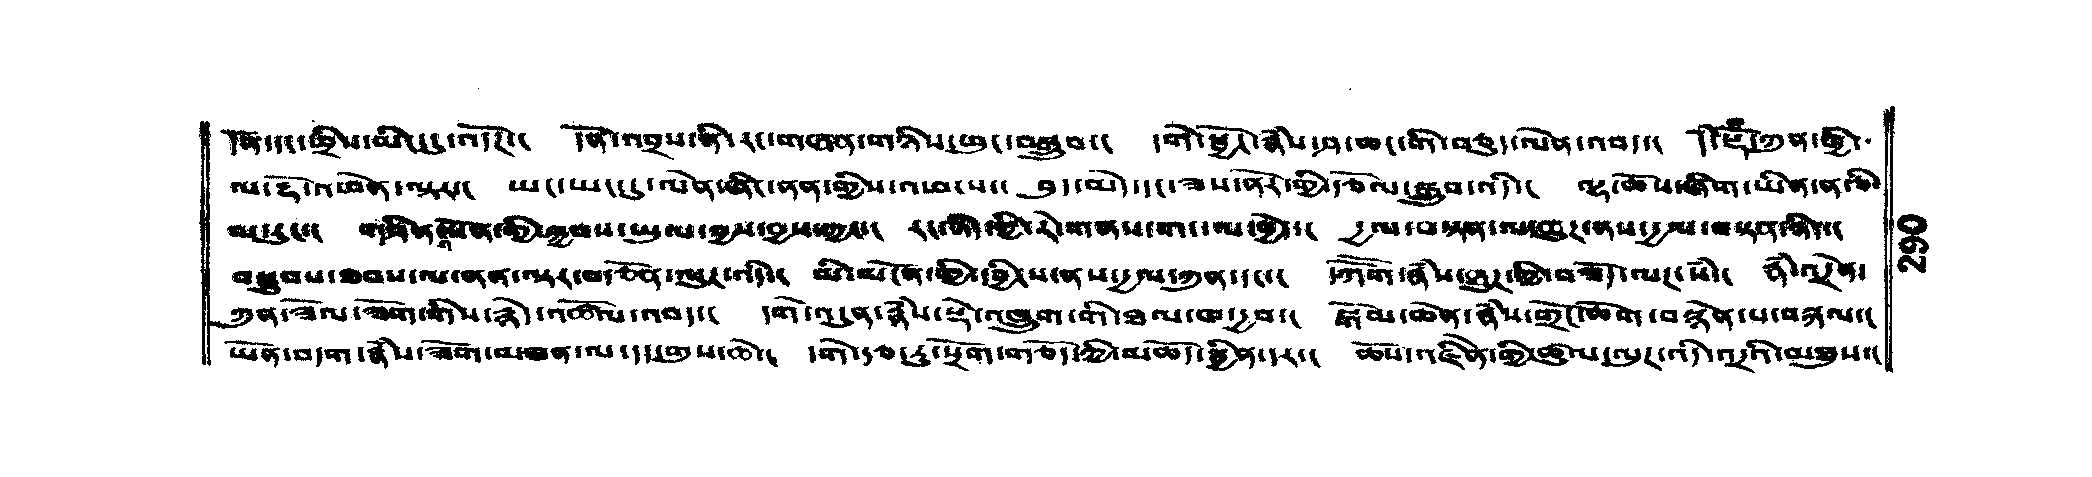དོན་དང་ཕྲིན་ལས་མིང་དུ་འདོགས། །དོན་འབྲས་ནི་རང་གཞན་གཉིས་ཕུང་བསྒྲུབ། །དགེ་སྦྱོང་རྣམས་ཤ་ཆང་གི་བཅུད་ལེན་འབད། །དམ་སྡོམ་ཀུན་ཁྱི་
ལ་རྡོ་འཕེན་ལྟར། །ཡང་ཡང་དུ་ལེན་ཞིང་ནན་གྱིས་འཕངས། །བུད་མེད་དང་ཟས་ནོར་གྱི་རྩོལ་སྒྲུབ་འདི། །ལྷ་ཆོས་ཞིག་ཡིན་ན་ཅི་
མ་རུང་། །གཤིན་གསོན་གྱི་སྐྱབས་ཡུལ་བྱས་བྱས་ཀྱང་། །རང་ཉིད་ཀྱི་རེ་གནས་གང་ལ་བྱེད། །རྒྱལ་བསྟན་ལ་ཞུགས་ནས་རྒྱལ་བསྟན་ཉིད། །
བསྣུབ་ཐབས་ལ་ནན་ལྟར་བརྩོན་ལུགས་འདི། །མི་མངོན་གྱི་དབྱིངས་ནས་རྒྱལ་ཀུན་དང་། །དཀོན་མཆོག་རྣམས་ཐུགས་ཀྱི་བཟོད་ལགས་སམ། །རྣམ་འདྲེན་
ཀུན་ཟོལ་ཟོག་གིས་རྙེད་འཚོལ་འབད། །དགེ་འདུན་རྣམས་སྡེ་འཁྲུག་གི་ཐལ་ཁ་རྒྱག །སྒོམ་ཆེན་རྣམས་གྲོང་ཆོག་བསྙེན་པ་སྐྱེལ། །
ཡོན་བདག་རྣམས་ཟོག་མཁན་ལ་དད་གུས་ཆེ། །དགེ་རྩ་རུ་སྲོག་གཅོད་ཀྱི་མཆོད་སྦྱིན་དར། །ཆོས་འཇིག་རྟེན་ཚུལ་ལུགས་འདི་འདྲའི་མཐུས།